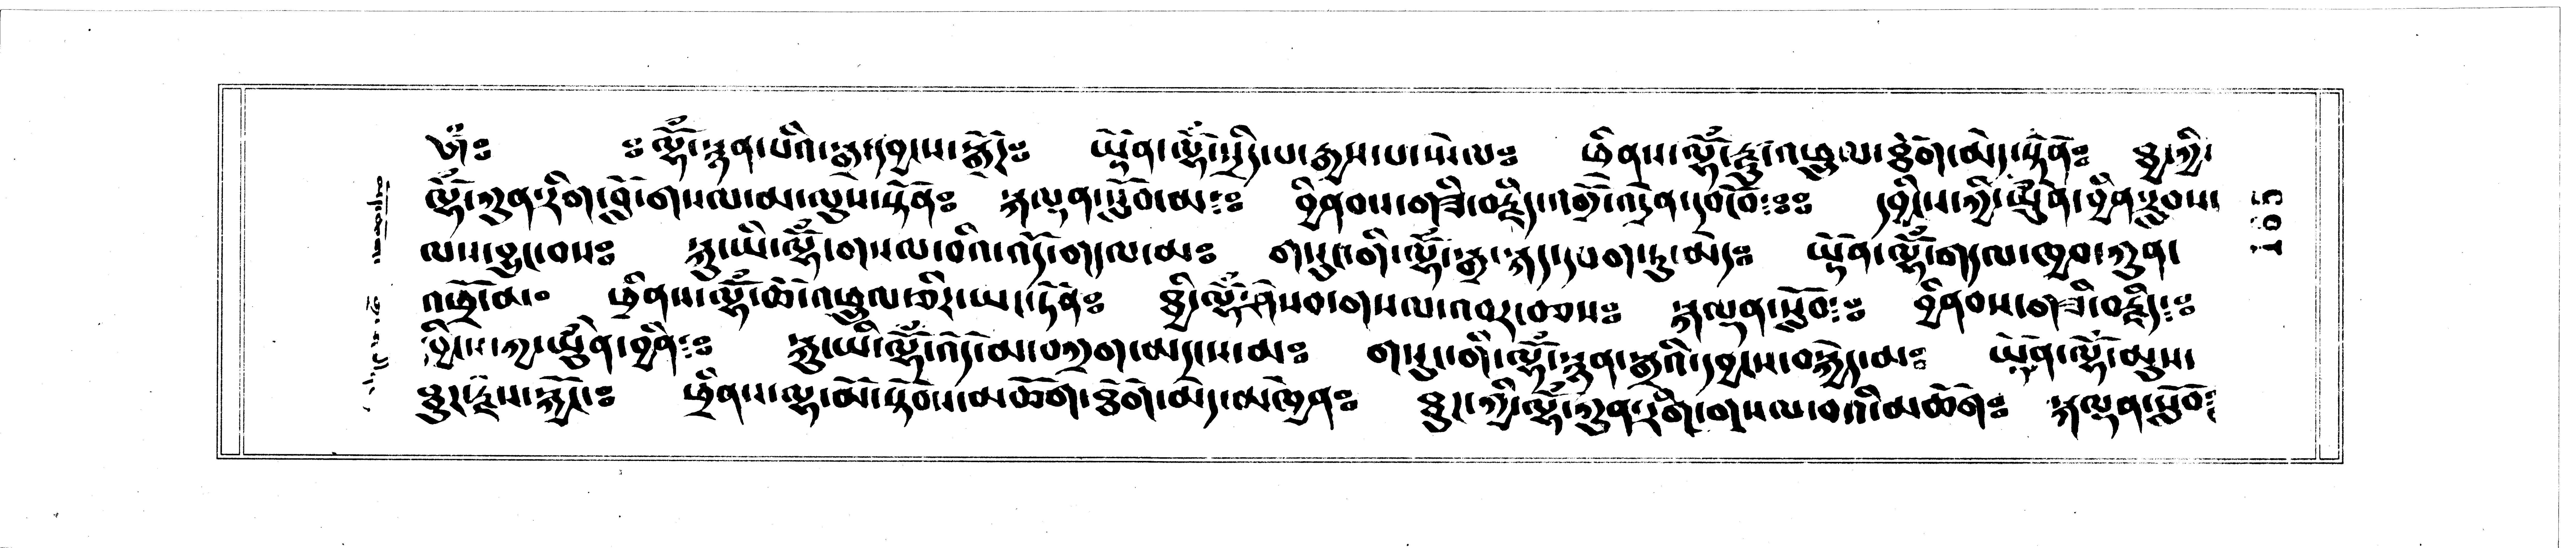ལྷ་མོ་སྙན་པའི་སྒྲ་དབྱངས་སྒྲོགསཿ ཡོན་ཏན་གྱི་ལྷ་མོ་སྲིད་པ་རྒྱས་པར་སྤེལཿ ཕྲིན་ལས་ཀྱི་ལྷ་མོ་རྫུ་འཕྲུལ་ཐོགས་མེད་སྟོནཿ ཐུགས་ཀྱི་
ལྷ་མོ་ཀུན་རིག་བློ་གསལ་མ་ལུས་སྟོནཿ སྐལ་ལྡན་སློབ་མ་རྣམས་ལ་དབང་བསྐུར་བསཿ བྱིན་རླབས་གཟི་བརྗིད་འགྲོ་འདྲེན་དབང་ཐོབ་ཤོགཿ དབྱིངས་ཀྱི་ཡུམ་ཆེན་བྱིན་རླབས་
ལས་བྱུང་བའིཿ སྐུ་ཡི་ལྷ་མོ་གསལ་བའི་འོད་བདལ་མཿ གསུང་གི་ལྷ་མོ་སྒྲ་སྐད་དཔག་ཏུ་མེདཿ ཡོན་ཏན་གྱི་ལྷ་མོ་བདལ་ཁྱབ་ཀུན་
འཕྲོ་མཿ ཕྲིན་ལས་ཀྱི་ལྷ་མོ་ཆོ་འཕྲུལ་ཅིར་ཡང་སྟོནཿ ཐུགས་ཀྱི་ལྷ་མོ་ཤེས་རབ་གསལ་འབར་བཅསཿ སྐལ་ལྡན་སློབ་མ་རྣམས་ལ་དབང་བསྐུར་བསཿ བྱིན་རླབས་གཟི་བརྗིད་འགྲོ་འདྲེན་དབང་ཐོབ་ཤོགཿ 
དབྱིངས་ཀྱི་ཡུམ་ཆེན་བྱིན་རླབས་ལས་བྱུང་བའིཿ སྐུ་ཡི་ལྷ་མོ་འོད་མ་བཀྲག་མདངས་མཿ གསུང་གི་ལྷ་མོ་སྙན་སྒྲའི་དབྱངས་སྐྱིད་མཿ ཡོན་ཏན་གྱི་ལྷ་མོ་མ་ལུས་
ཐུགས་རྗེས་སྐྱོངཿ ཕྲིན་ལས་ཀྱི་ལྷ་མོ་སྟོབས་མཆོག་ཐོགས་མེད་མཁྱེནཿ ཐུགས་ཀྱི་ལྷ་མོ་ཀུན་རིག་གསལ་བའི་མཆོགཿ སྐལ་ལྡན་སློབ་མ་རྣམས་ལ་དབང་བསྐུར་བསཿ